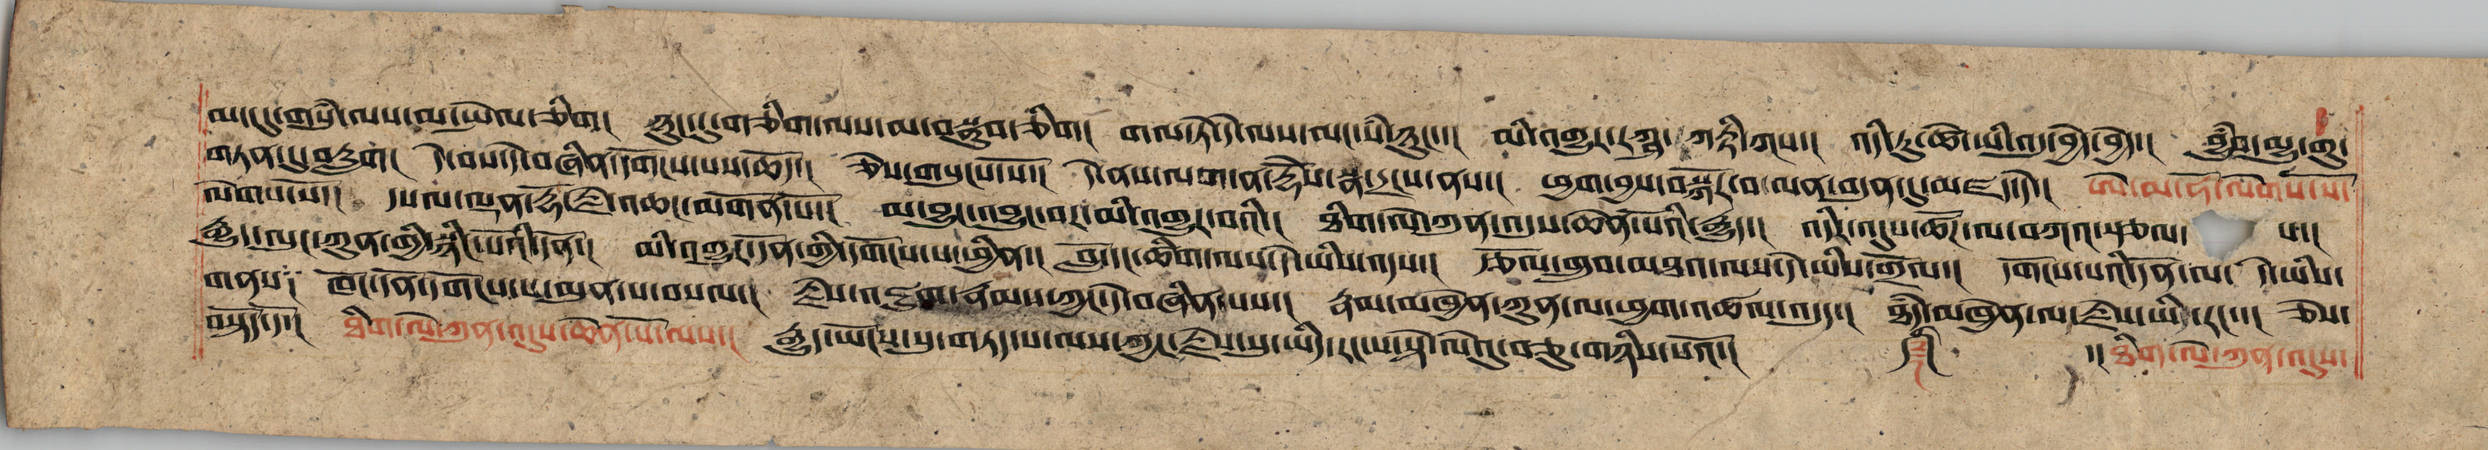མང་དུ་གསུཾ་ལས་མ་སྤེལ་ཅིག། ཉུང་ངུ་གཅིག་ལས་མ་བསྣུབ་ཅིག། གལ་ཏེ་དེ་ལས་མང་སཾ་ཉུང་་། མི་འགྱུར་རཀྴ་ཀརྟི་ཀས་། འདི་རུ་ཚེ་ཡི་འདུ་བྱེད་བྱེད་། བྱུཾབ་མྱུ་གུ་
གཏན་དུ་བརླག། དེ་བས་དེ་བཞིན་དགོངས་པས་ཆོད་། ཅེས་གསུངས་སོ་། དེ་ནས་ལག་ན་རྡོེས་རྣཾ་དྲངས་ནས་། ཕྱག་བྱས་བསྐོར་བ་ལན་བདུན་དུ་མཛད་དེ་། ཨེ་མ་ཧོ་ལེགས་སོ་
ལེགས་སོ་། དཔལ་ལྡན་རྡོ་རྗེ་འཆང་མགོན་པོ་། མ་བྱུང་འབྱུང་བར་མི་འགྱུར་བའི་། ཐིག་ལེ་ཀུན་འདུས་ཆེན་པོའི་རྒྱུད་། འདིར་འདུས་ཚོཌ་ལ་བཀའ་སྩལ་ པ་ང
རྒྱུད་ལུང་ཀུན་གྱི་སྙིང་པོའི་དོན་། མི་འགྱུར་དོན་གྱི་དགོངས་པ་ཕྱིན་། བློ་དང་ཚིག་ལས་དེ་ཡིས་འདས་། རྩོལ་གྲུབ་མཐའ་ལས་དེ་ཡིས་གྲོལ་། དགོངས་པའི་དོན་ལ་ དེ་ཡིས་
གནས༑ ཁོང་དོན་དགོངས་པ་མུན་པ་བསལ་། རྗེས་འཇུག་རྣམས་ཀྱང་དེ་བཞིན་པས་། རྣམ་མཁྱེན་ཀུན་ལ་ཕྱག་འཚལ་འདུད་། ཐཾད་མཁྱེན་ལ་རྗེས་ཡིད་རང་་། ཅེས་
བསྟོད་དོ་། ཐིག་ལེ་ཀུན་འདུས་ཆེན་པོ་ལས་། རྒྱུད་ཡོངས་སུ་གཏད་པ་ལས་ཀྱང་རྗེས་སུ་ཡིད་རང་པ་སྟེ་ལེའུ་བཅུ་གཉིས་པའོ་། ༼༈༽ ་།ཐིག་ལེ་ཀུན་འདུས་